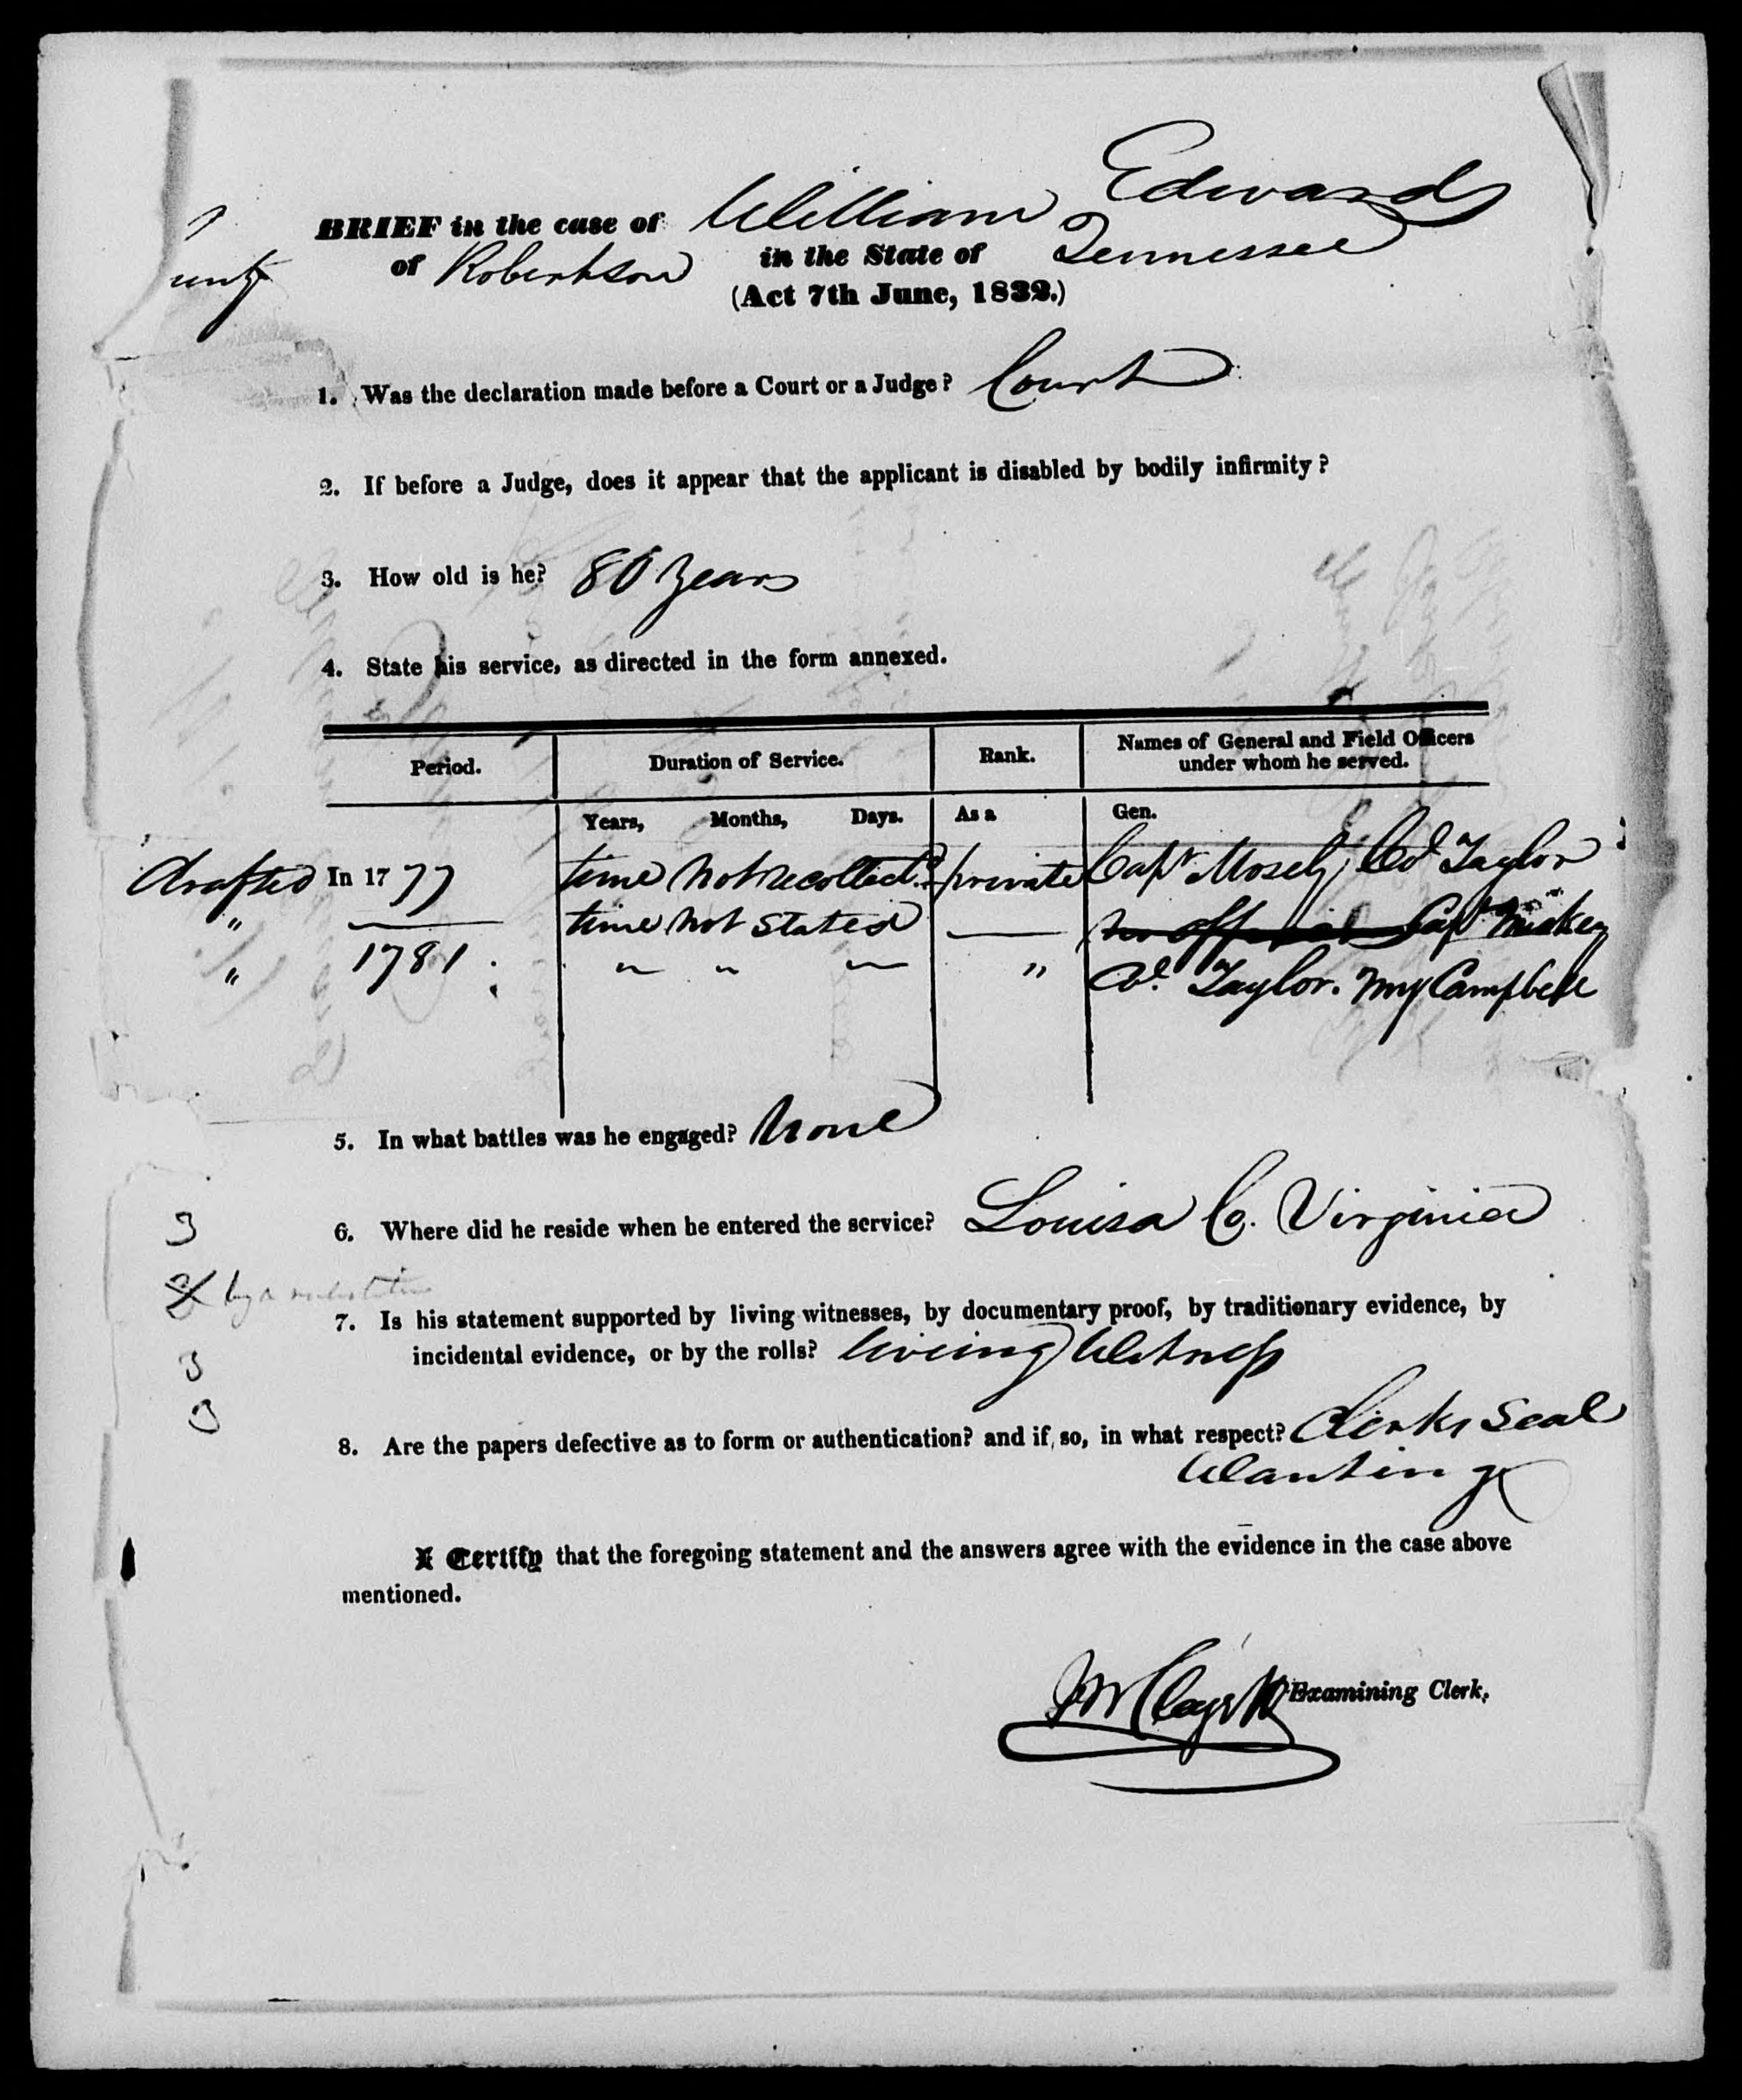BRIEF in the case of William Edwards
County of Robinson in the State of Tennessee
(Act 7th June, 1832.)

1. Was the declaration made before a Court or a Judge? Court

2. If before a Judge, does it appear that the applicant is disabled by bodily infirmity?

3. How old is he? 80 years

4. State his service, as directed in the form annexed.

Period.
[1] drafted In 1777
[2] " ~
[3] " 1781
Duration of Service.
Years, Months, Days.
[1] time not recollectd
[2] time not stated
[3] ~ ~ ~
Rank.
As a
[1] private
[2] - 
[3] "
Names of General and Field Officers under whom he served.
Gen.
[1] Capt Mosely Col Taylor
[2] Cap Micky
[3] Col. Taylor, Maj Campbell

5. In what battles was he engaged? None

6. Where did he reside when he entered the service? Louisa Co. Virginia

7. Is his statement supported by living witnesses, by documentary proof, by traditionary evidence, by incidental evidence, or by the rolls? living Witness

8. Are the papers defective as to form or authentication? and if so, in what respect? Clerks Seal blanking

I Certify that the foregoing statement and the answers agree with the evidence in the case above mentioned.

J W Claryk Examining Clerk,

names: Taylor, Taylor, Mickey, Campbell, Mosely, William Edwards, J W Clayrk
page: 10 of 47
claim: survivor's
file: S. 3,322, William Edwards, Va.